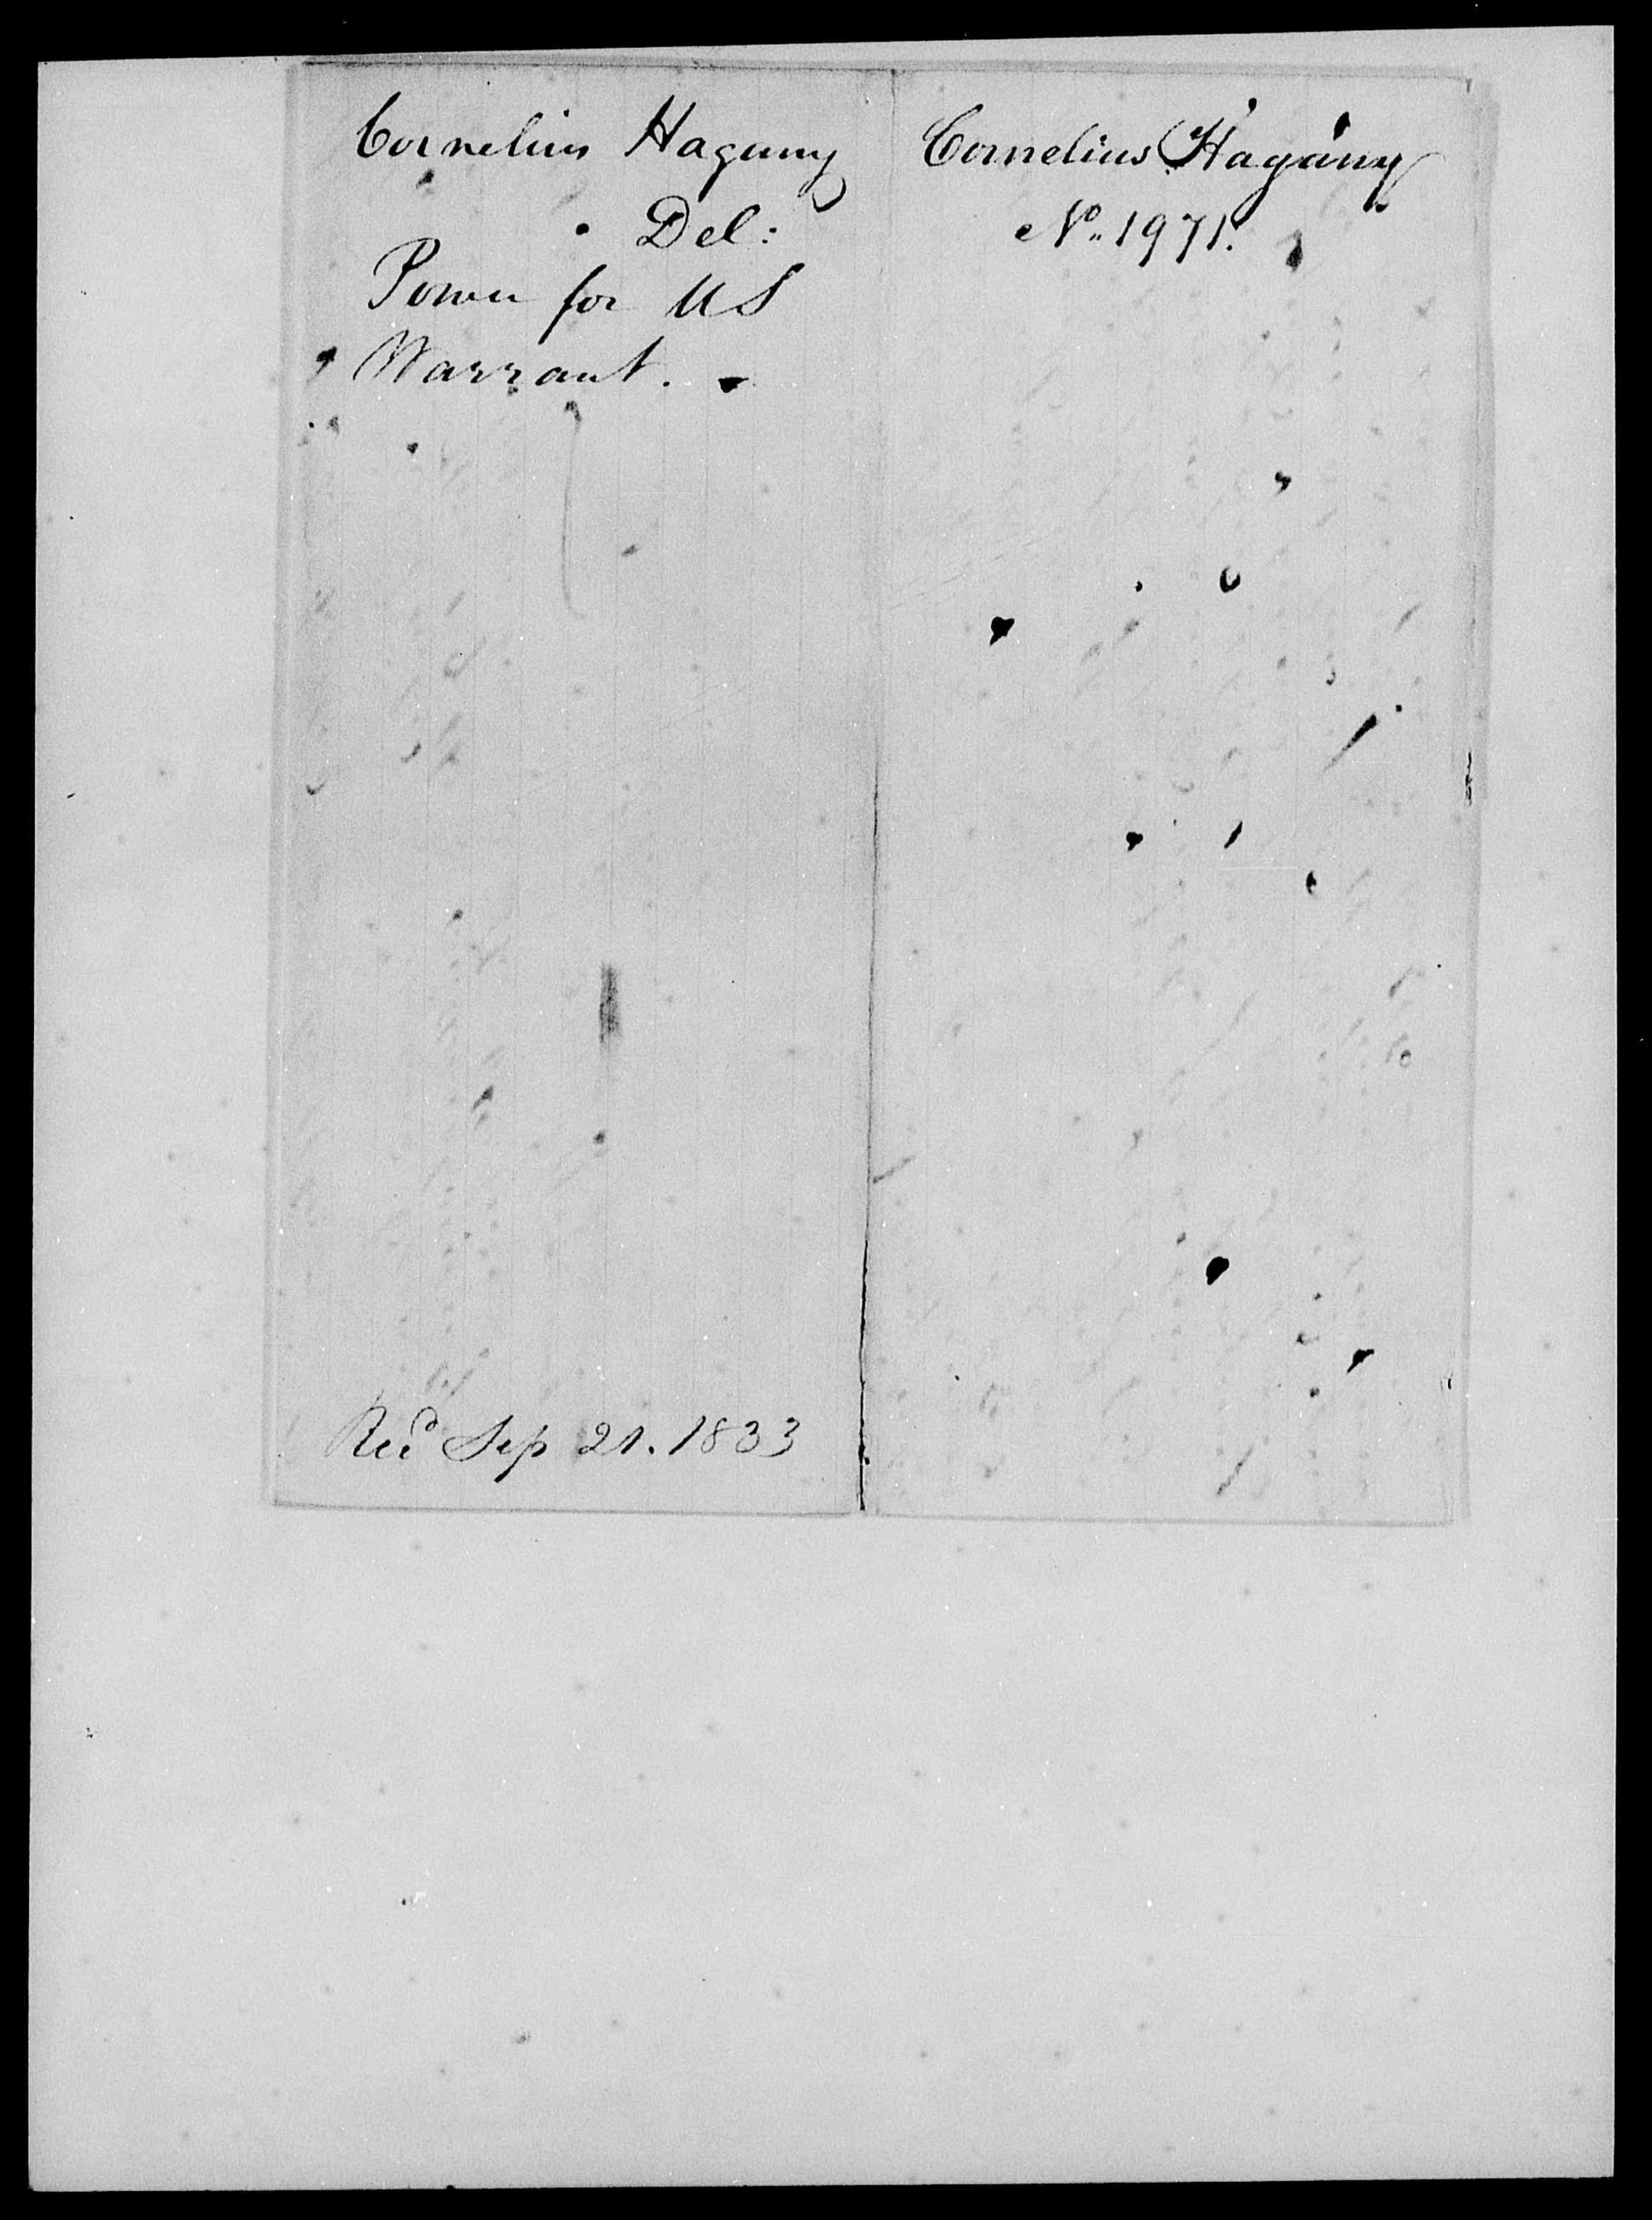Cornelius Hagany     Cornelius Hagany
Del:                           No. 1971
Power or US
Warrant

Rec'd Sep 21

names: Cornelius Hagany, Cornelius Hagany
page: 3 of 6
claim: bounty land warrant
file: B. L. Wt. 1971-100, Cornelius Hagany, Del.